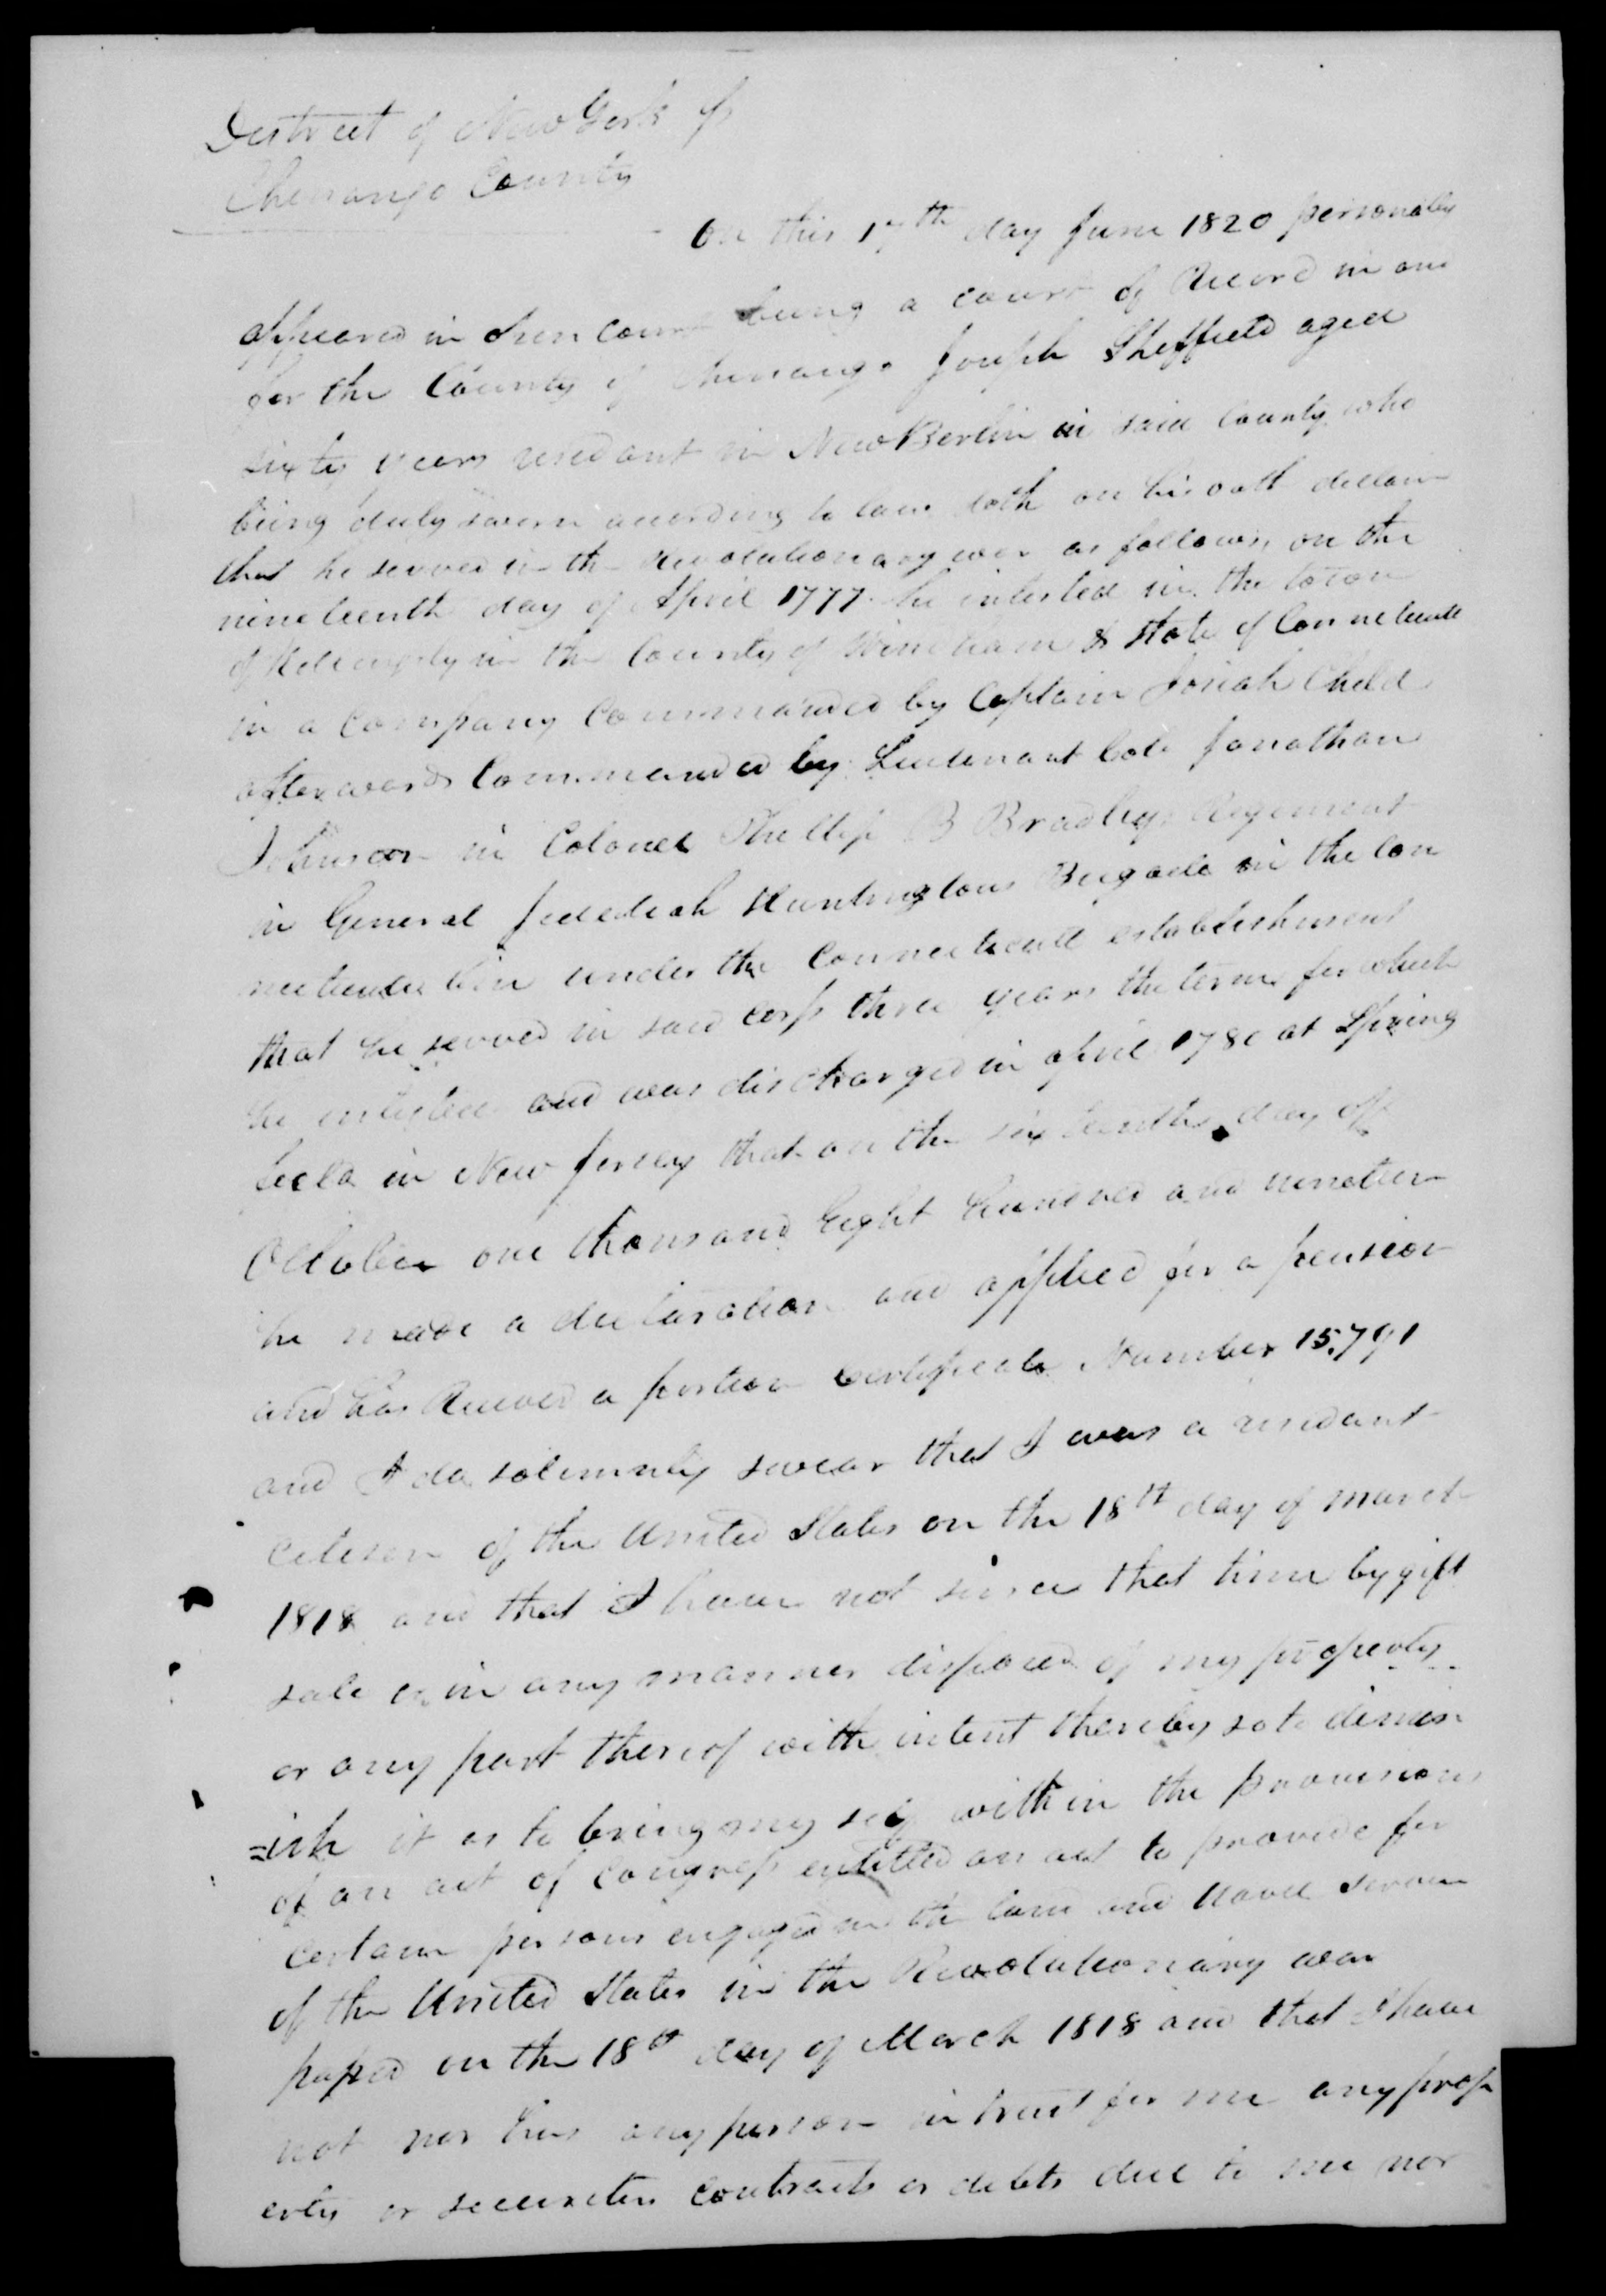District of New York of
Chenango County
On this 17th day June 1820 personally
appeared in open Court being a court of Record in and
for the County of Chenango Joseph Sheffield aged
sixty years resident in New Berlin in said County who
being duly sworn according to law doth on his oath declare
that he served in the Revolutionary war as follows, on the
nineteenth day of April 1777 he enlisted in the town of
Killingly in the County of Windham & State of Connecticut
in a company commanded by Captain Josiah Child
afterwards commanded by Lieutenant Col Jonathan
Johnson in Colonel Phillip B. Bradley, Regiment
in General Jedediah Huntington's Brigade in the Connecticut 
line under the Connecticut establishment
that he served in said corps three year the term for which
he enlisted and was discharged in April 1781 at Springfield
in New Jersey that on the sixteenth day of
October one thousand Eight hundred and nineteen
he made a declaration and applied for a pension
and has received a pension certificate Number 15.791
and I do solemnly swear that I was a resident
citizen of the United States on the 18th day of March
1818 and that I have not since that time by gift
sale or in any manner disposed of my property
or any part thereof with intent thereby so to diminish 
it as to bring myself within the provisions 
of an act of Congress entitled an act to provide for
certain persons engaged in the land and Naval service
of the United States in the Revolutionary war
passed on the 18th day of March 1818 and that I have
not nor has any person in trust for me any property 
or securities contracts or debts due to me nor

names: Joseph Sheffield; Jonathan Johnson; Phillip B Bradley; Josiah Child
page: 4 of 25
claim: survivor's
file: S. 42,272, for Joseph Sheffield, Connecticut